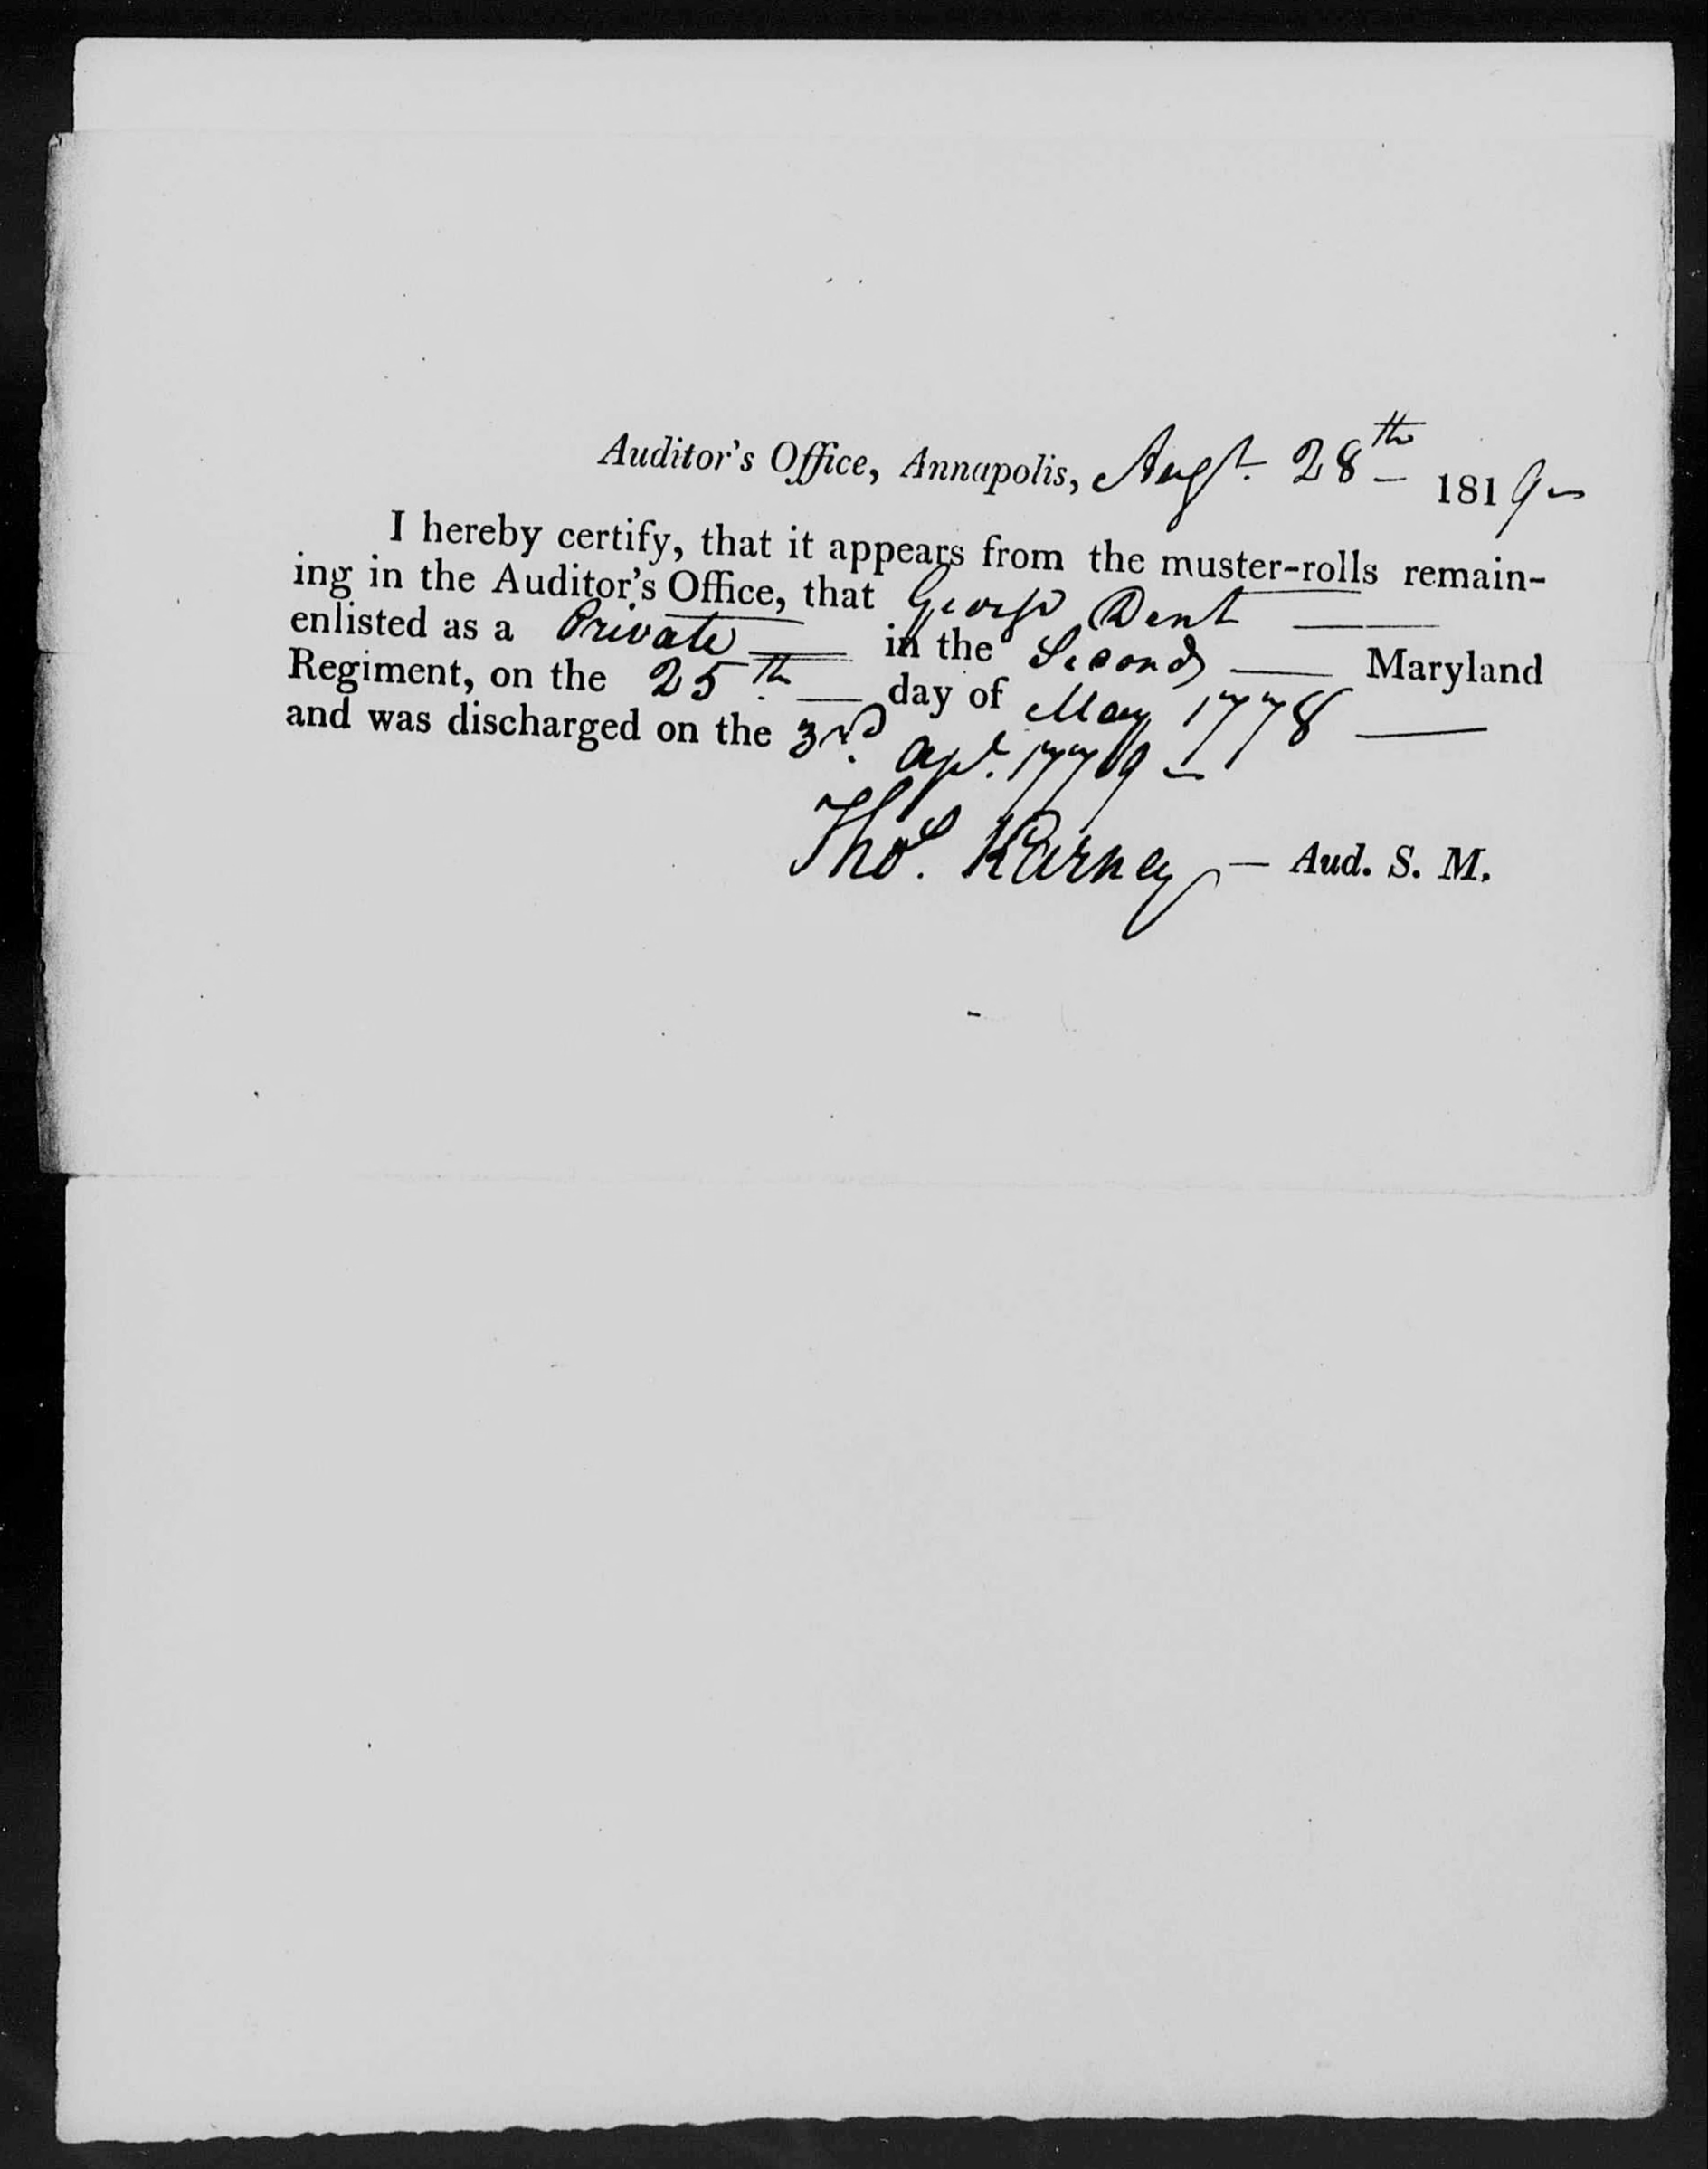Auditor's Office, Annapolis, Aug 28th, 1819

I hereby certify that it appears from the muster-rolls remaining in the Auditor's Office, that George Dent enlisted as a private in the Second Maryland Regiment, on the 25th day of May 1778 and was discharged on the 3rd Apr 1779

Thos Karney - Aud. S.M.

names: Thos Karney, George Dent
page: 44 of 49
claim: survivor's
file: S. 12755, George Dent, Md.